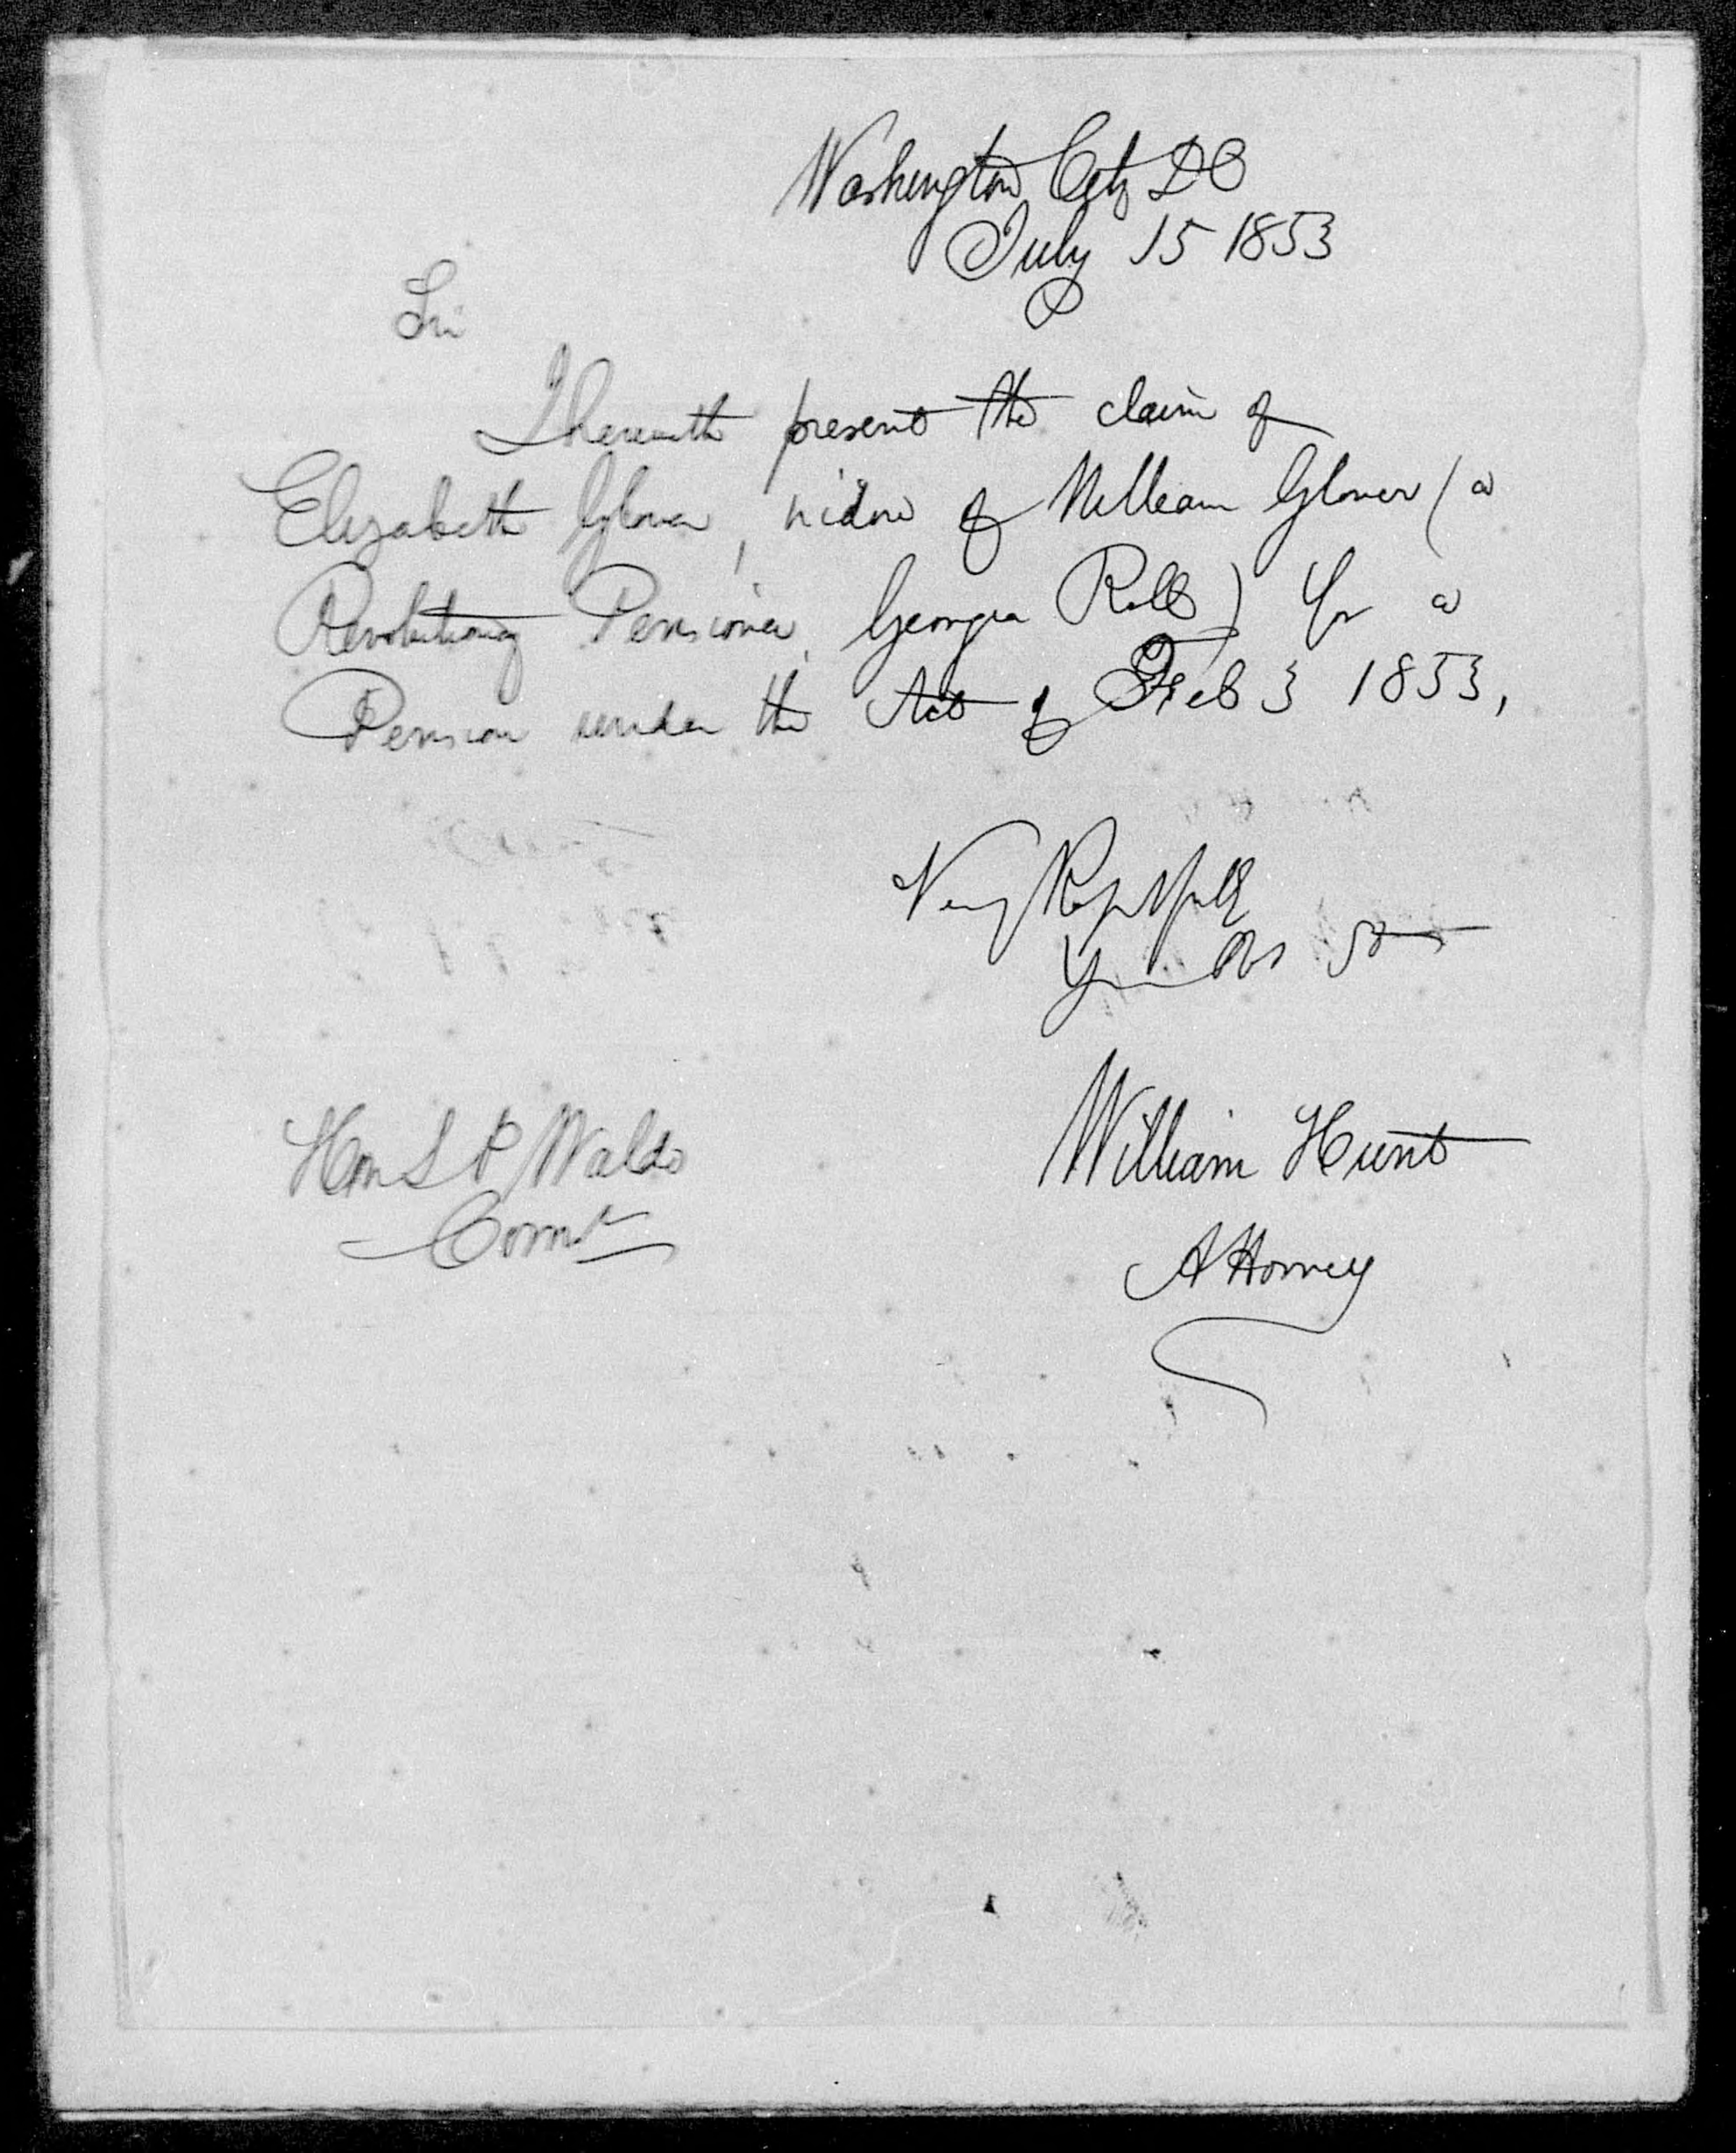Washington City DC
July 5 1853

Sir

Therewith present the claim of Elizabth Glover, widow of William Glover/ a Revolutionary Pensioner Georgia Roll) for a Pension under the Act of Feb 3 1853, 

Very Respectully
Your [illegible]

William Hunt 
Attorney


Hon S P Waldo     
Comm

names: Elizabeth Glover, L P Waldo, William Hunt, William Glover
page: 28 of 51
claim: widow's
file: W. 929, William Glover, N.C.